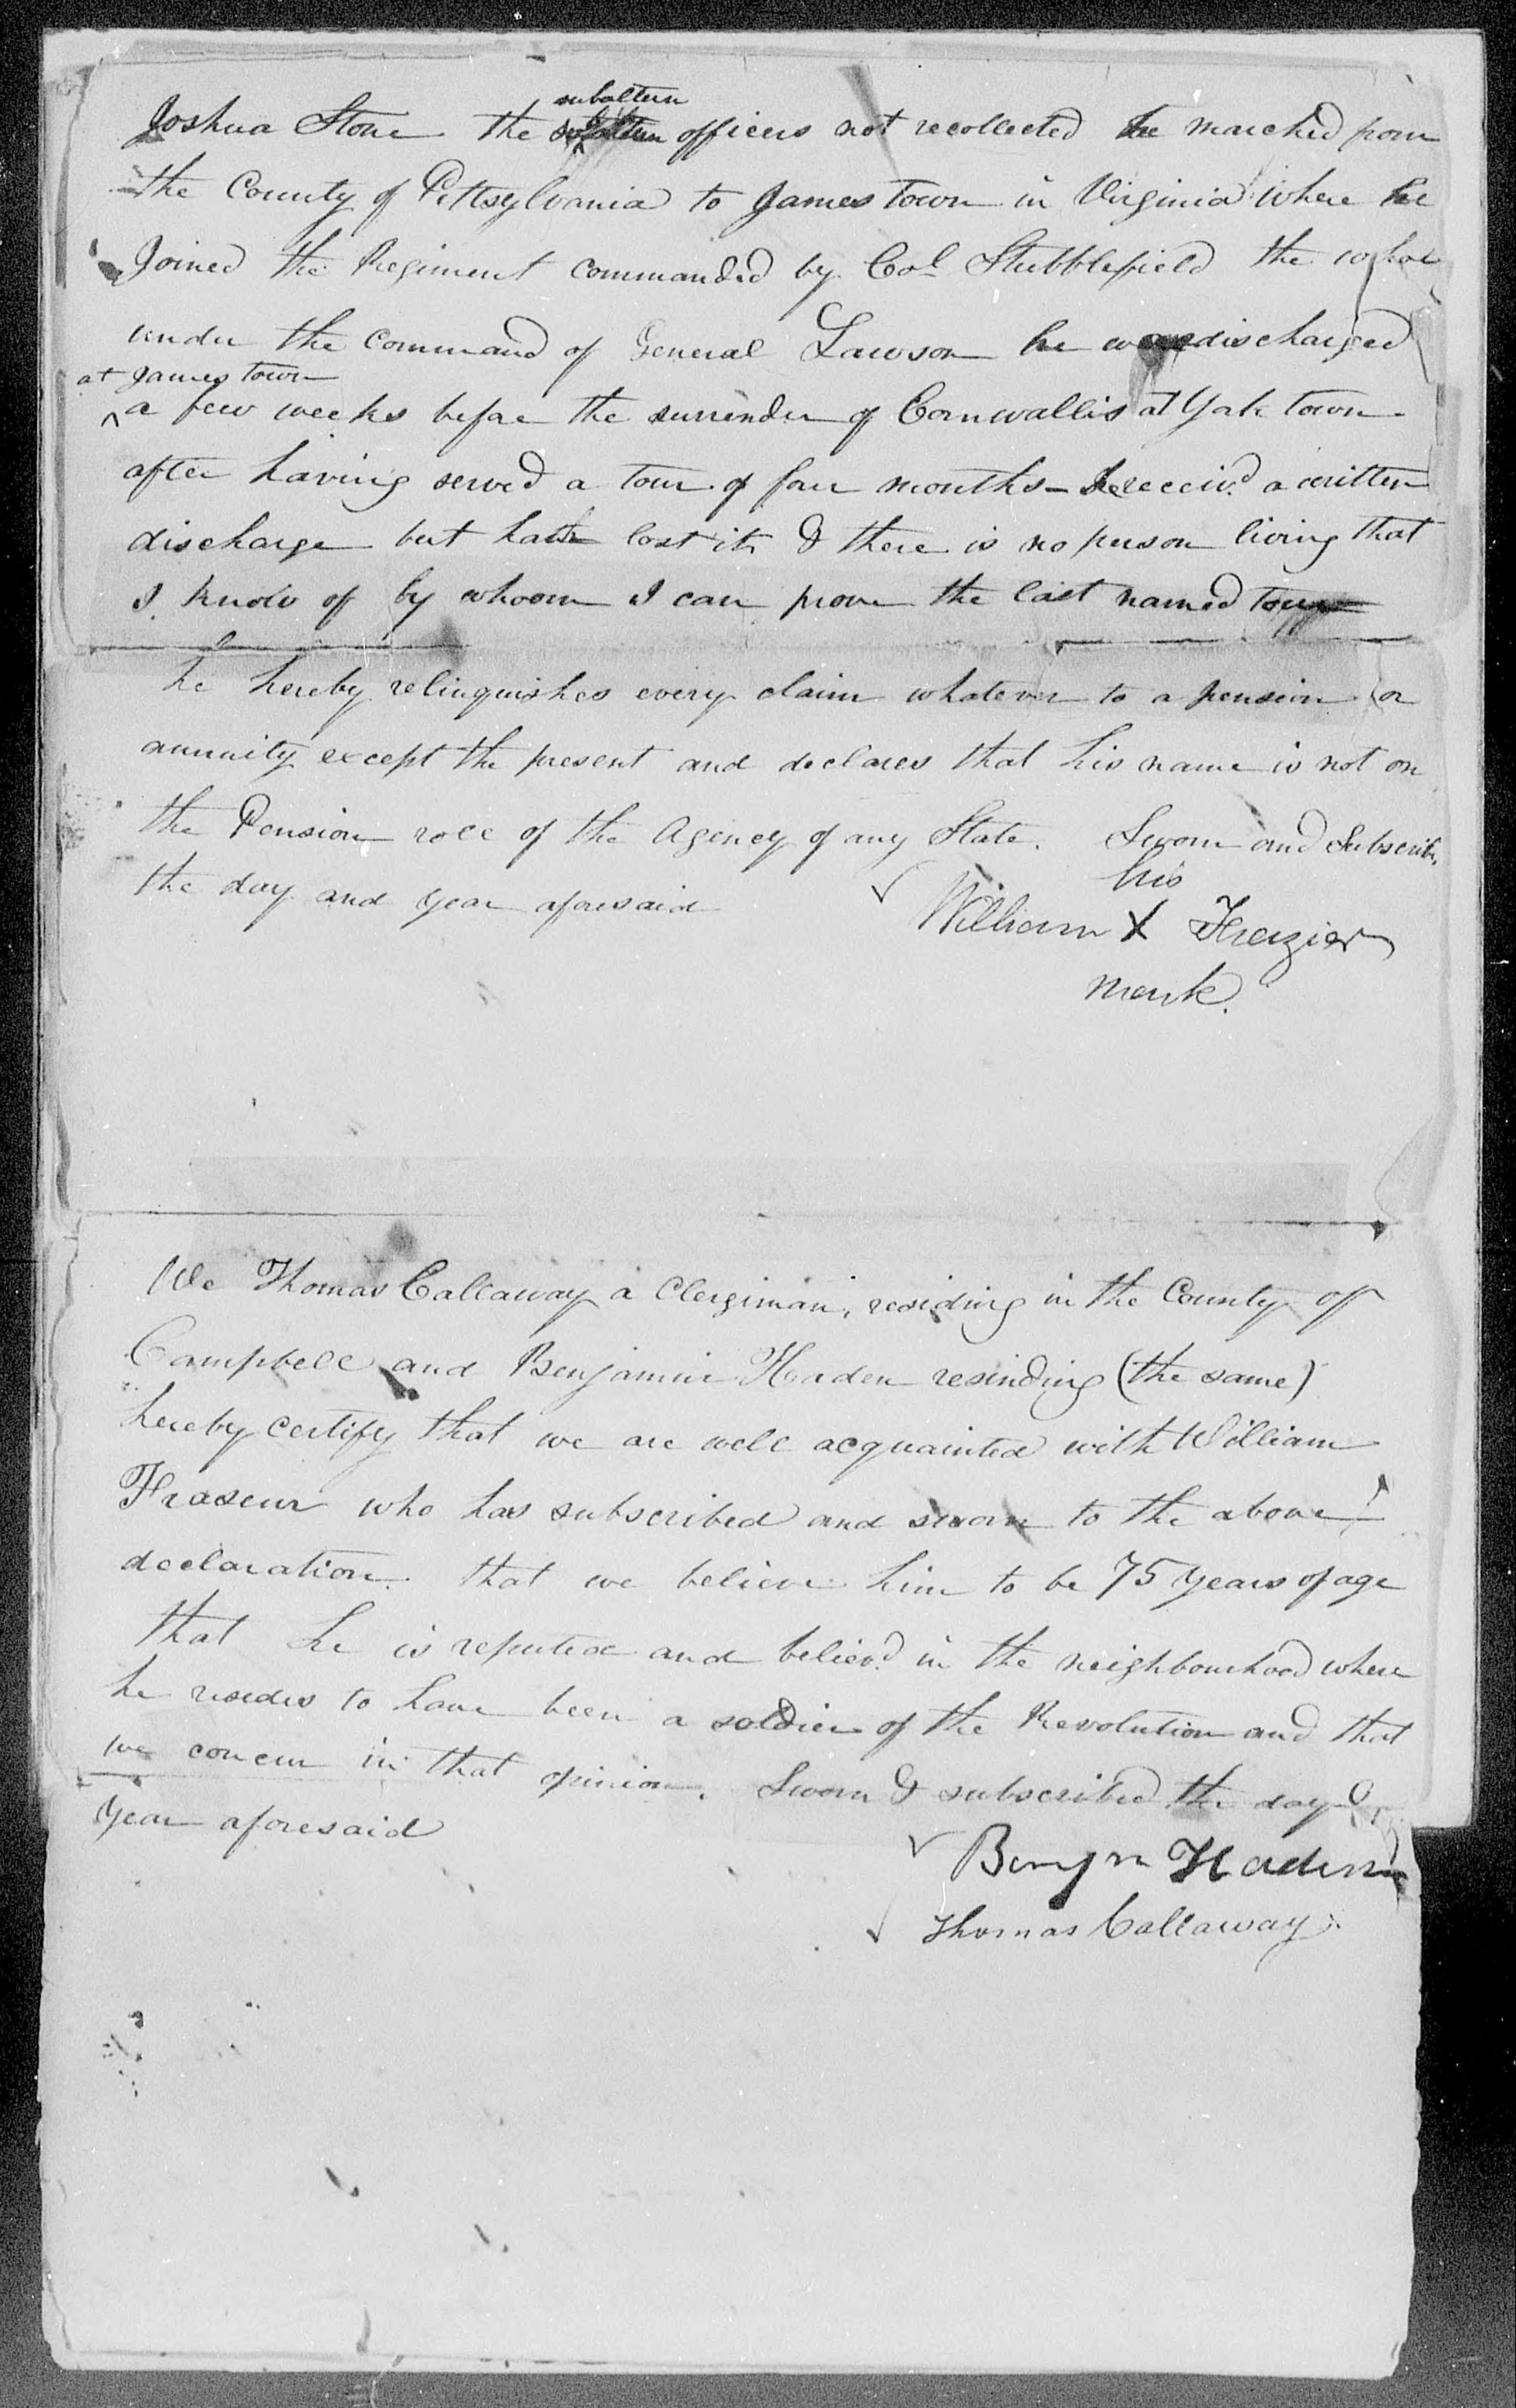Joshua Stone the rebellion officers not recollected he marched from the County of Pittsylvania to James Town in Virginia where he joined the Regiment commanded by Col Stubblefield the [illegible] under the command of General Lawson he was discharged at James Town a few weeks before the surrender of Cornwallis at York Town after having served a tour of four months received a written discharge but hath lost it & there is no person living that I know of by whoom I can prove the last named tour he hereby relinquishes every claim whatever to a pension for annuity except the present and declares that his name is not on the Pension roll of the Agency of any State. Sworn and Subscribe the day and year afterward his 

[hand-drawn check mark] William [hand-drawn X] Frazier 

mark. 

We Thomas Callaway a Clergiman, residing in the County of Campbell and Benjamin Haden residing (the same) hereby certify that we are well acquainted with William Frazier who has subscribed and sworn to the above declaration that we believe him to be 75 years of age that he is reputed and believed in the neighbourhood where he resided to have been a soldier of the Revolution and that we concur in that opinion. Sworn and subscribed the day [illegible] year aforesaid

[hand-drawn check mark] Benjn Haden

[hand-drawn check mark] Thomas Callaway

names: Lawson, Joshua Stone, Benjn Haden, William Frazier, Thomas Callaway, Stubblefield, William Frasier, Benjamin Haden, Thomas Callaway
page: 4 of 13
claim: survivor's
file: S. 17966, William Frazier, Va.